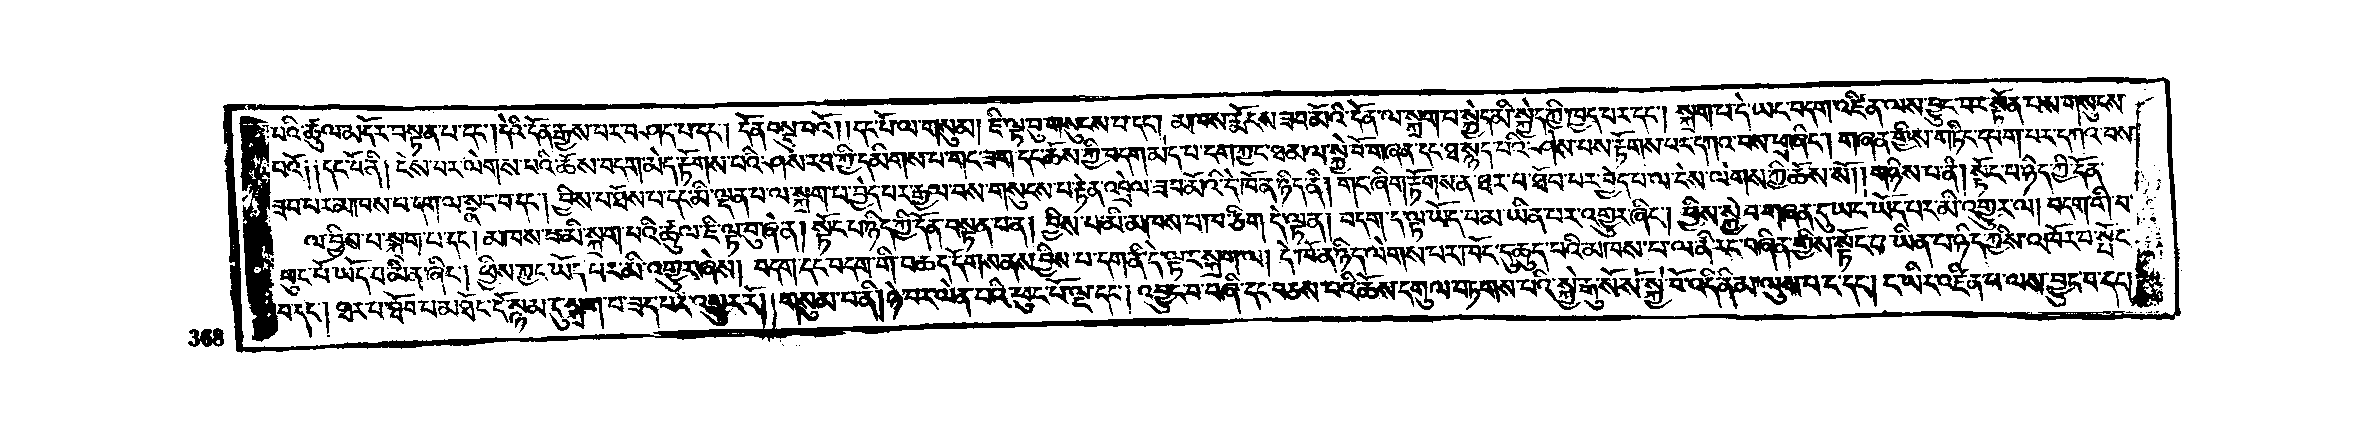པའི་ཚུལ་མདོར་བསྟན་པ་དང་། དེའི་དོན་རྒྱས་པར་བཤད་པ་དང་། དོན་བསྡུ་བའོ། །དང་པོ་ལ་གསུམ། ཇི་ལྟ་བུ་གསུངས་པ་དང་། མཁས་རྨོངས་ཟབ་མོའི་དོན་ལ་སྐྲག་པ་སྐྱེད་མི་སྐྱེད་ཀྱི་ཁྱད་པར་དང་། སྐྲག་པ་དེ་ཡང་བདག་འཛིན་ལས་བྱུང་བར་སྟོན་པས་གསུངས་
པའོ། །དང་པོ་ནི། ངེས་པར་ལེགས་པའི་ཆོས་བདག་མེད་རྟོགས་པའི་ཤེས་རབ་ཀྱི་དམིགས་པ་གང་ཟག་དང་ཆོས་ཀྱི་བདག་མེད་པ་དག་ཀྱང་ཐ་མལ་སྐྱེ་བོ་གཞན་དང་ཐ་སྙད་པའི་ཤེས་པས་རྟོགས་པར་དཀའ་བས་ཕྲ་ཞིང་། གཞན་གྱིས་གཏིང་དཔག་པར་དཀའ་བས་
ཟབ་པར་མཁས་པ་དག་ལ་སྣང་བ་དང་། བྱིས་པ་ཐོས་པ་དང་མི་ལྡན་པ་ལ་སྐྲག་པ་བྱེད་པར་རྒྱལ་བས་གསུངས་པ་རྟེན་འབྲེལ་ཟབ་མོའི་དེ་ཁོ་ན་ཉིད་ནི། གང་ཞིག་རྟོགས་ན་ཐར་པ་ཐོབ་པར་བྱེད་པ་ལ་ངེས་ལེགས་ཀྱི་ཆོས་སོ། །གཉིས་པ་ནི། སྟོང་པ་ཉིད་ཀྱི་དོན་
ལ་བྱིས་པ་སྐྲག་པ་དང་། མཁས་པ་མི་སྐྲག་པའི་ཚུལ་ཇི་ལྟ་བུ་ཞེ་ན། སྟོང་པ་ཉིད་ཀྱི་དོན་བསྟན་པ་ན། བྱིས་པ་མི་མཁས་པ་ཁ་ཅིག་དེ་ལྟ་ན། བདག་ད་ལྟ་ཡོད་པ་མ་ཡིན་པར་འགྱུར་ཞིང་། ཕྱིས་སྐྱེ་བ་གཞན་དུ་ཡང་ཡོད་པར་མི་འགྱུར་ལ། བདག་གི་བ་
ཕུང་པོ་ཡོད་པ་མིན་ཞིང་། ཕྱིས་ཀྱང་ཡོད་པར་མི་འགྱུར་ཞེས། བདག་དང་བདག་གི་བཅད་དོགས་ནས་བྱིས་པ་དག་ནི་དེ་ལྟར་སྐྲག་ལ། དེ་ཁོ་ན་ཉིད་ལེགས་པར་ཁོང་དུ་ཆུད་པའི་མཁས་པ་ལ་ནི་རང་བཞིན་གྱིས་སྟོང་པ་ཡིན་པ་ཉིད་ཀྱིས་འཁོར་བ་སྤོང་
བ་དང་། ཐར་པ་ཐོབ་པ་མཐོང་ངོ་སྙམ་དུ་སྐྲག་པ་ཟད་པར་འགྱུར་རོ། །གསུམ་པ་ནི། ཉེ་བར་ལེན་པའི་ཕུང་པོ་ལྔ་དང་། འབྱུང་བ་བཞི་དང་བཅས་པའི་ཆོས་དགུ་ལ་བཏགས་པའི་སྐྱེ་རྒྱུ་སོ་སོ་སྐྱེ་བོ་འདི་ནི་མ་ལུས་པ་ང་དང་། ང་ཡིར་འཛིན་པ་ལས་བྱུང་བ་དང་།